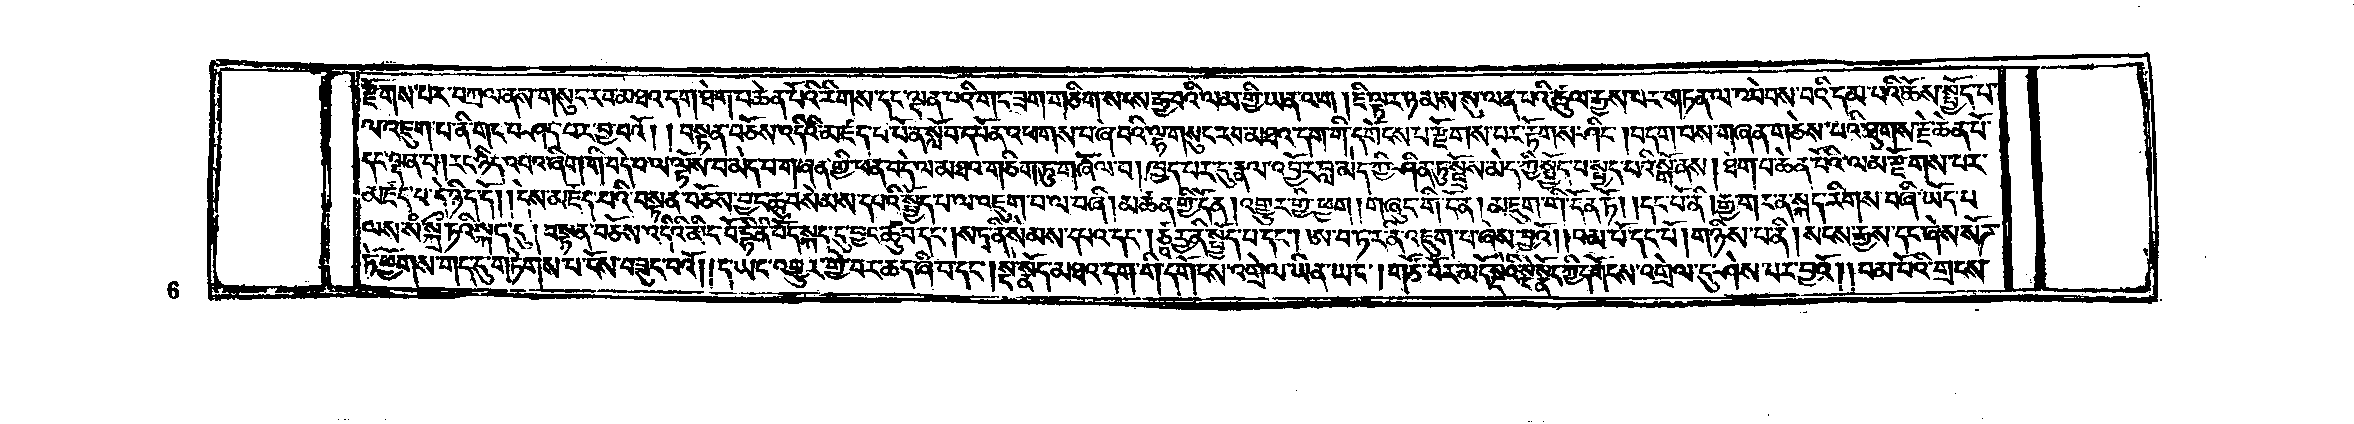རྫོགས་པར་བཀྲལ་ནས་གསུང་རབ་མཐའ་དག་ཐེག་པ་ཆེན་པོའི་རིགས་དང་ལྡན་པའི་གང་ཟག་གཅིག་སངས་རྒྱ་བའི་ལམ་གྱི་ཡན་ལག། ཇི་ལྟར་ཉམས་སུ་ལན་པའི་ཚུལ་རྒྱས་པར་གཏན་ལ་འབེབས་པའི་དམ་པའི་ཆོས་སྤྱོད་པ་
ལ་འཇུག་པའི་ནི་གང་བཤད་པར་བྱ་བའོ། །བསྟན་བཅོས་འདིའི་མཛད་པ་པོ་ན་སློབ་དཔོན་འཕགས་པ་ཞེ་པའི་ལྷ་གསུང་རབ་མཐའ་དག་གི་དགོངས་པ་རྫོགས་པར་རྟོགས་ཤིང་། བདག་པས་གཞན་གཅེས་པའི་ཐུགས་རྗེ་ཆེན་པོ་
དང་ལྡན་པ། རང་ཉིད་འབའ་ཞིག་གི་བདེ་བ་ལ་ལྟོས་པ་མེད་པ་གཞན་གྱི་ཕན་བདེ་ལ་མཐའ་གཅིག་ཏུ་གཞོལ་བ། ཁྱད་པར་དུ་རྣལ་འབྱོར་བླ་མེད་ཀྱི་ཤིན་ཏུ་སྤྲོས་མེད་ཀྱི་སྤྱོད་པ་སྤྱད་པའི་སྒོ་ནས། ཐེག་པ་ཆེན་པོའི་ལམ་རྫོགས་པར་
མཛད་པ་དེ་ཉིད་དོ། །དེས་མཛད་པའི་བསྟན་བཅོས་བྱང་ཆུབ་སེམས་དཔའི་སྤྱོད་པ་ལ་འཇུག་པ་ལ་བཞི། མཚན་གྱི་དོན། འགྱུར་གྱི་ཕྱག། གཞུང་གི་དོན། འཇུག་གི་དོན་ཏོ། །དང་པོ་ནི། རྒྱ་གར་ན་སྐད་རིགས་བཞི་ཡོད་པ་
ལས་སམ་སྐྲྀ་ཏའི་སྐད་དུ། བསྟན་བཅོས་འདིའི་མིང་བོ་དྷི་ནི་བོད་སྐད་དུ་བྱང་ཆུབ་དང་། ས་ཏྭ་ནི་སེམས་དཔའ་དང་། ཙྭ་རྱ་ནི་སྤྱོད་པ་དང་། ཨ་བ་ཏ་ར་ནི་འཇུག་པ་ཞེས་བྱའོ། །བམ་པོ་དང་པོ་གཉིས་པ་ནི། སངས་རྒྱས་དང་ཞེས་སོགས་
ཏེ་ཕྱོགས་གང་དུ་གཏེགས་པ་ངོས་བཟུང་བའོ། །དེ་ཡང་འགྱུར་གྱི་བར་ཆད་ཞི་བ་དང་། སྡེ་སྣོད་མཐའ་དག་གི་དགོངས་འགྲེལ་ཡིན་ཡང་། གཙོ་བོར་མདོ་སྡེའི་སྡེ་སྣོད་ཀྱི་དགོངས་འགྲེལ་དུ་ཤེས་པར་བྱའོ། །བམ་པོའི་གྲངས་